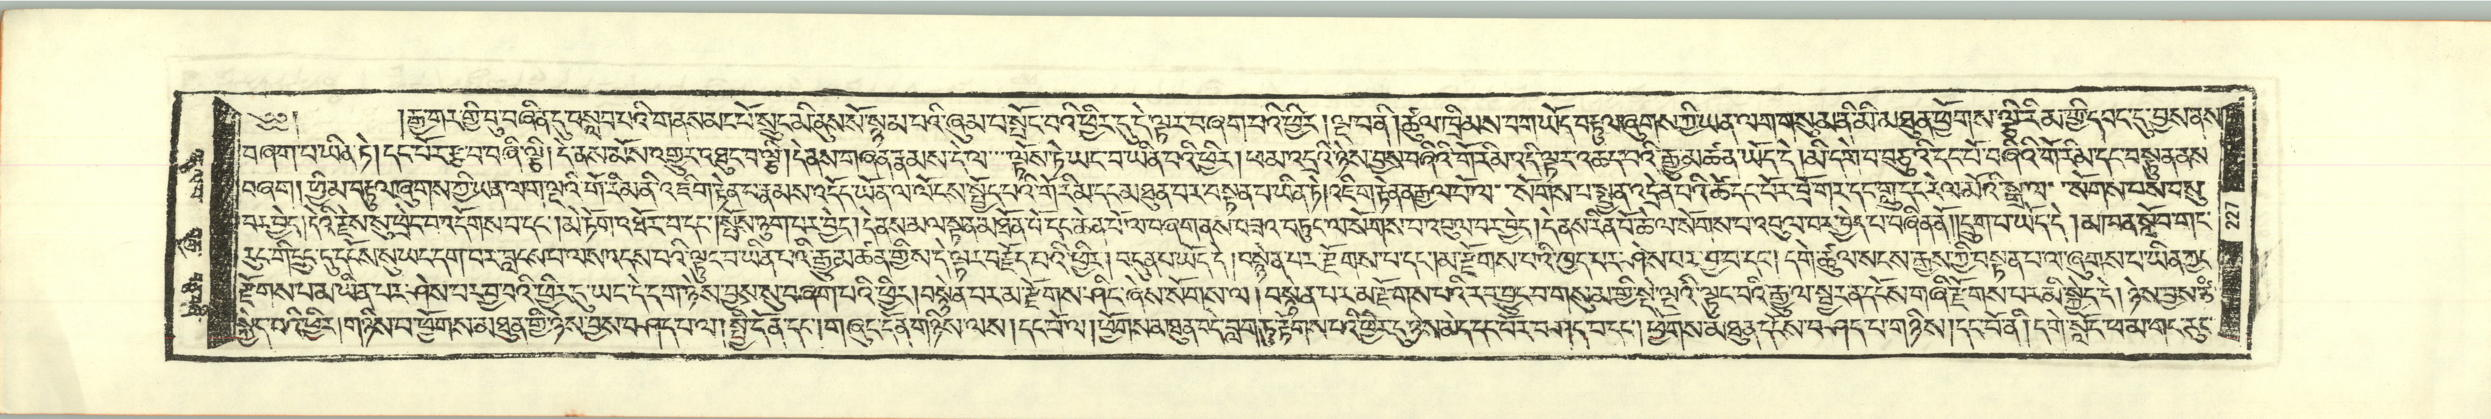༄༅། །རྒྱ་གར་གྱི་བུ་བཞིན་དུ་བསླབ་པའི་གནས་མང་པོ་སྲུང་མི་ནུས་སོ་སྙམ་པའི་ཞུམ་པ་སྤོང་བའི་ཕྱིར་དུ་དེ་ལྟར་བཞག་པའི་ཕྱིར། ལྔ་པ་ནི། ཚུལ་ཁྲིམས་བག་ཡོད་བརྟུལ་ཞུགས་ཀྱི་ཡན་ལག་གསུམ་ནི་མི་མཐུན་ཕྱོགས་ལྕི་རིམ་གྱི་དབང་དུ་བྱས་ནས་
བཞག་པ་ཡིན་ཏེ། དང་པོར་རྩ་བ་བཞི་ལྕི། དེ་ནས་མོས་འགྱུར་འཐུང་བ་ལྕི། དེ་ནས་གཞན་རྣམས་དེ་ལ་ལྟོས་ཏེ་ཡང་བ་ཡིན་པའི་ཕྱིར། ཕམ་འདྲའི་ཉེས་བྱས་བཞིའི་གོ་རིམ་འདི་ལྟqར་འཆད་པའི་རྒྱུ་མཚན་ཡོད་དེ། མིད་གེ་བ་བཅུའི་དང་པོ་བཞིའི་གོ་རིམ་དང་བསྟུན་ནས་
བཞག ༑ཕྱིམ་བརྟུལ་ཞུགས་ཀྱི་ཡན་ལག་ལྔའི་གོ་རིམ་ནི་འཇིག་རྟེན་པ་རྣམས་འདོད་ཡིན་ལ་ལོངས་སྤྱོད་པའི་གོ་རིམ་དང་མཐུན་པར་བསྟན་པ་ཡིན་ཏེ། འཇིག་རྟེན་ན་རྒྱལ་པོ་ལ་སོགས་པ་སྤྱན་འདྲེན་པའི་ཚེ་དང་པོར་བྲོ་གར་དང་གླུ་དང་རེལ་མོའི་སྒྲ་ལ་སོགས་པས་བསུ་
བར་བྱེད། དེའི་རྗེས་སུ་ཕྲེང་བ་འདོགས་པ་དང་། མེ་ཏོག་འཐོར་བ་དང་། སྤོས་ཉུག་པར་བྱེད། དེ་ནས་མལ་སྟན་མཐོན་པོ་དང་ཆེན་པོ་ལ་བཞག་ནས་བཟའ་བཏུང་ལ་སོགས་པ་འབུལ་བར་བྱེད། དེ་ནས་རིན་པོ་ཆེ་ལ་སོགས་པ་འབུལ་བར་བྱེད་པ་བཞིན་ནོ། །དྲུག་པ་ཡོད་དེ། མཁན་སློབ་གང་
རུང་གི་དྲུང་དུ་དངོས་སུ་ཡང་དག་བར་བླངས་པ་ལས་འདས་པའི་ལྟུང་བ་ཡིན་པའི་རྒྱུ་མཚན་གྱིས་དེ་ལྟར་བརྗོད་པའི་ཕྱིར། བདུན་པ་ཡོད་དེ། བསྙེན་པར་རྫོགས་པ་དང་། མ་རྫོགས་པའི་ཁྱད་པར་ཤེས་པར་བྱ་བ་དང་། དགེ་ཚུལ་སངས་རྒྱས་ཀྱི་བསྟན་པ་ལ་ཞུགས་པ་ཡིན་ཀྱང་
རྫོགས་པ་མ་ཡིན་པར་ཤེས་པར་བྱ་བའི་ཕྱིར་དུ་ཡང་དེ་དག་ཉེས་བྱས་སུ་བཞག་པའི་ཕྱིར། བསྙེན་པར་མ་རྫོགས་ཤིང་ཞེས་སོགས་ལ། བསྙེན་པར་མ་རྫོགས་པའི་རབ་བྱུང་བ་གསུམ་གྱི་སྡེ་ལྔའི་ལྟུང་བའི་རྒྱུ་ལ་སྦྱར་ན་དངོས་གཞི་རྫོགས་པར་མི་སྐྱེད་དེ། ཉེས་བྱས་ཙམ་
སྐྱེད་བའི་ཕྱིར། གཉིས་པ་ཕྱོགས་མཐུན་གྱི་ཉེས་བྱས་བཤད་པ་ལ། སྤྱི་དོན་དང་། གཞུང་དོན་གཉིས་ལས། དང་པོ་ལ། ཕྱོགས་མཐུན་བདེ་བླག་ཏུ་རྟོགས་པའི་ཕྱིར་དུ་ཉེས་མེད་དང་པོར་བཤད་པ་དང་། ཕྱོགས་མཐུན་དངོས་བཤད་པ་གཉིས། དང་པོ་ནི། དགེ་སློང་ཕ་མ་གང་རུང་